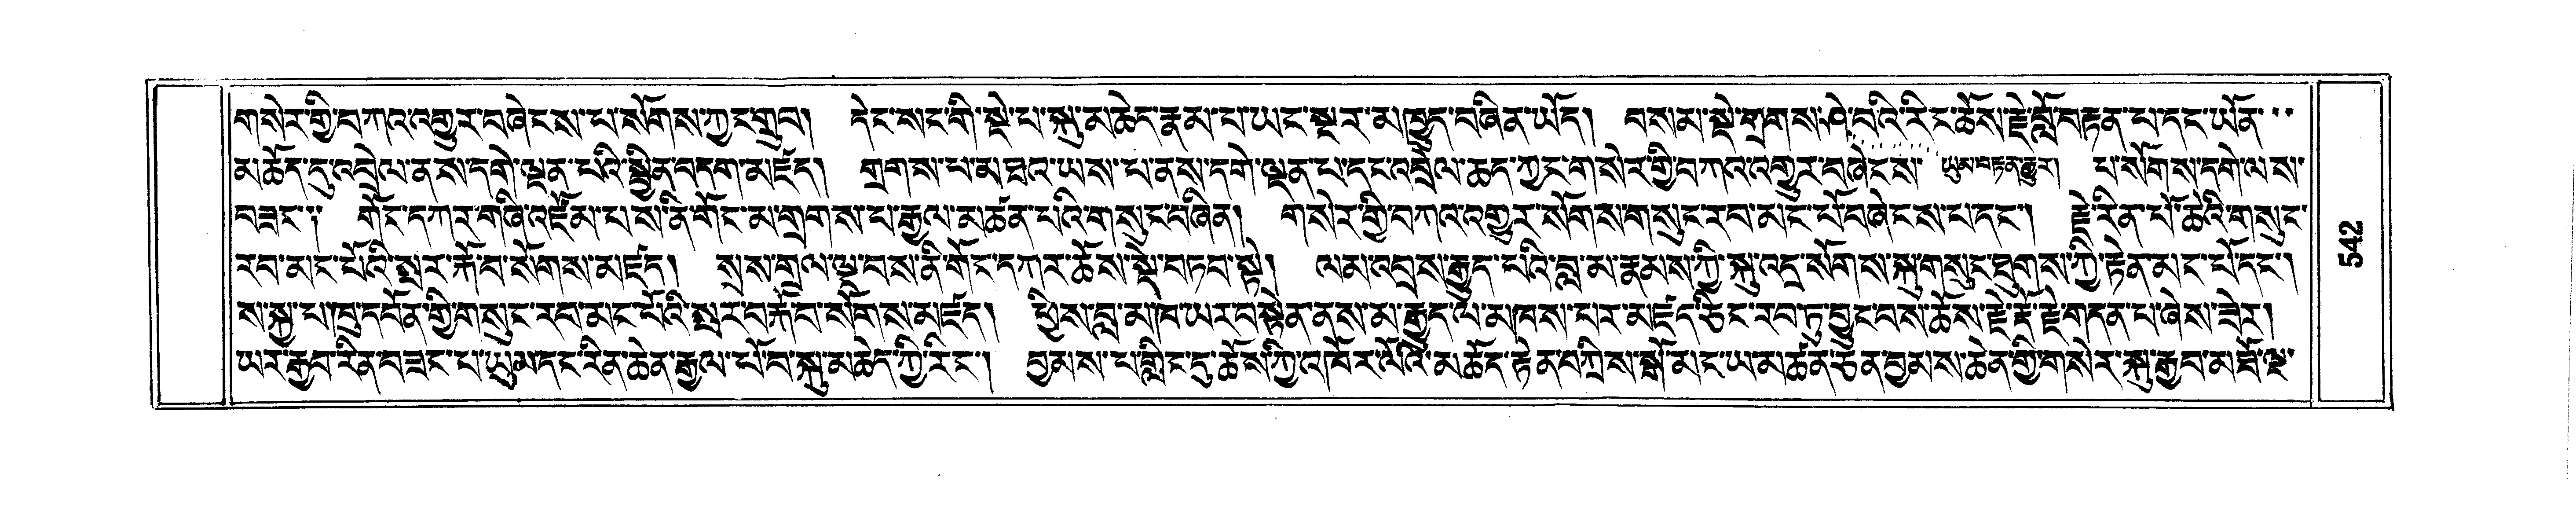གསེར་གྱི་བཀའ་འགྱུར་བཞེངས་པ་སོགས་ཀྱང་གྲུབ། དེང་སང་གི་སྡེ་པ་སྐུ་མཆེད་རྣམ་པ་ཡང་སྔར་མཁྱུད་བཞིན་ཡོད། བསམ་སྡེ་གྲགས་ཤེ་བའི་རིང་ཆོས་རྗེ་བློ་བརྟན་པ་དང་ཡོན་
མཆོད་དུ་འབྲེལ་ནས་དགེ་ལྡན་པའི་སྦྱིན་བདག་མཛད། གྲགས་པ་མཐའ་ཡས་པ་ནས་དགེ་ལྡན་པ་དང་འབྲེལ་ཆད་ཀྱང་གསེར་གྱི་བཀའ་འགྱུར་བཞེངས་ཡུམ་བརྟན་རྒྱུར།  པ་སོགས་དགེ་ལས་
བཟང༑ གོང་དཀར་གཞི་འཛོམ་པས་ནི་གོང་མ་གྲགས་པ་རྒྱལ་མཚན་པའི་གསུང་བཞིན། གསེར་གྱི་བཀའ་འགྱུར་སོགས་གསུང་རབ་མང་པོ་བཞེངས་པ་དང་། རྗེ་རིན་པོ་ཆེའི་གསུང་
རབ་མང་པོའི་སྤར་རྐོ་བ་སོགས་མཛད། སྲས་གྲལ་ལྔ་བས་ནི་གོང་དཀར་ཆོས་སྡེ་བཏབ་སྟེ། ལམ་འབྲས་རྒྱུད་པའི་བླ་མ་རྣམས་ཀྱི་སྐུ་འདྲ་སོགས་སྐུ་གསུང་ཐུགས་ཀྱི་རྟེན་མང་པོ་དང་།
ས་སྐྱ་པ་ཁུ་དབོན་གྱི་གསུང་རབ་མང་པོའི་སྤར་བརྐོ་བ་སོགས་མཛད། ཕྱིས་བླ་མ་ཁ་ཡར་བསྟེན་ནས་མ་རྒྱུད་ལ་མཁས་པར་མཛད་ཅིང་རབ་ཏུ་བྱུང་བས་ཆོས་རྗེ་རྡོ་རྗེ་གདན་པ་ཞེས་ཟེར།
ཡར་རྒྱབ་རིན་བཟང་པ་ཡུམ་དང་རིན་ཆེན་རྒྱལ་པོ་བ་སྐུ་མཆེད་ཀྱི་རིང་། བྱམས་པ་གླིང་དུ་ཆོས་ཀྱི་འཁོར་ལོའི་མཆོད་རྟེན་བཀྲིས་སྒོ་མང་ཡ་མཚན་ཅན་བྱམས་ཆེན་གྱི་གསེར་སྐུ་རྒྱབ་མཐོ་ལྔ་